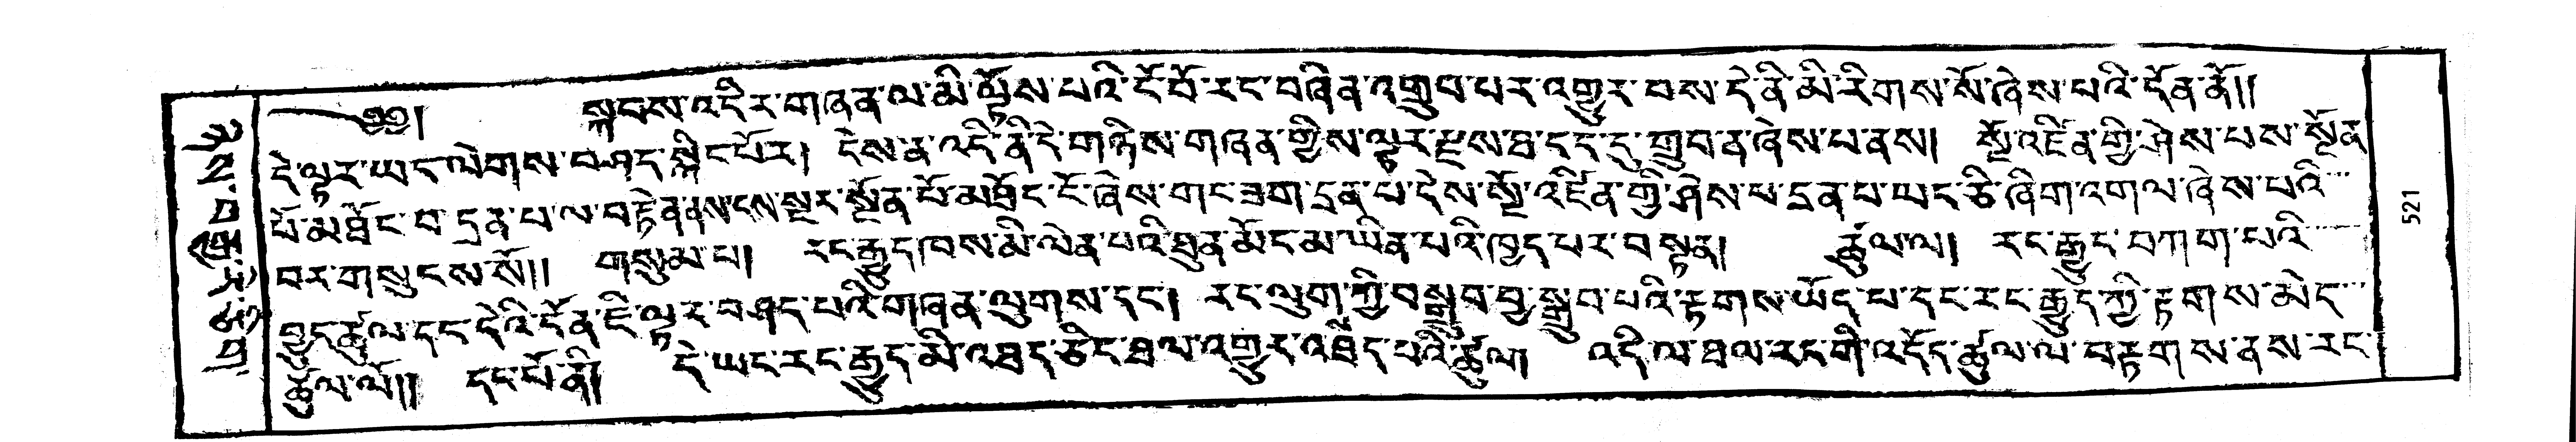༄༅། །སྐབས་འདིར་གཞན་ལ་མི་ལྟོས་པའི་ངོ་བོ་རང་བཞིན་འགྲུབ་པར་འགྱུར་བས་དེ་ནི་མི་རིགས་སོ་ཞེས་པའི་དོན་ནོ། །
དེ་ལྟར་ཡང་ལེགས་བཤད་སྙིང་པོར། དེས་ན་འདི་ནི་དེ་གཉིས་གཞན་གྱིས་ལྟར་རྫས་ཐ་དད་དུ་གྲུབ་ན་ཞེས་པ་ནས། སྔོ་འཛིན་གྱི་ཤེས་པས་སྔོན་
པོ་མཐོང་བ་དྲན་པ་ལ་བརྟེན་ནས་ངས་སྔར་སྔོན་པོ་མཐོང་ངོ་ཞེས་གང་ཟག་དྲན་པ་དེས་སྔོ་འཛིན་གྱི་ཤེས་པ་དྲན་པ་ཡང་ཅི་ཞིག་འགལ་ཞེས་པའི་
བར་གསུངས་སོ། །གསུམ་པ། རང་རྒྱུད་ཁས་མི་ལེན་པའི་ཐུན་མོང་མ་ཡིན་པའི་ཁྱད་པར་བསྟན། ཚུལ་ལ། རང་རྒྱུད་བཀག་པའི་
བྱུང་ཚུལ་དང་དེའི་དོན་ཇི་ལྟར་བཤད་པའི་གཞན་ལུགས་དང་། རང་ལུགས་ཀྱི་བསྒྲུབ་བྱ་སྒྲུབ་པའི་རྟགས་ཡོད་པ་དང་རང་རྒྱུད་ཀྱི་རྟགས་མེད་
ཚུལ་ལོ། །དང་པོ་ནི། དེ་ཡང་རང་རྒྱུད་མི་འཐད་ཅིང་ཐལ་འགྱུར་འཐད་པའི་ཚུལ། འདི་ལ་ཐལ་རང་གི་འདོད་ཚུལ་ལ་བརྟགས་ནས་རང་